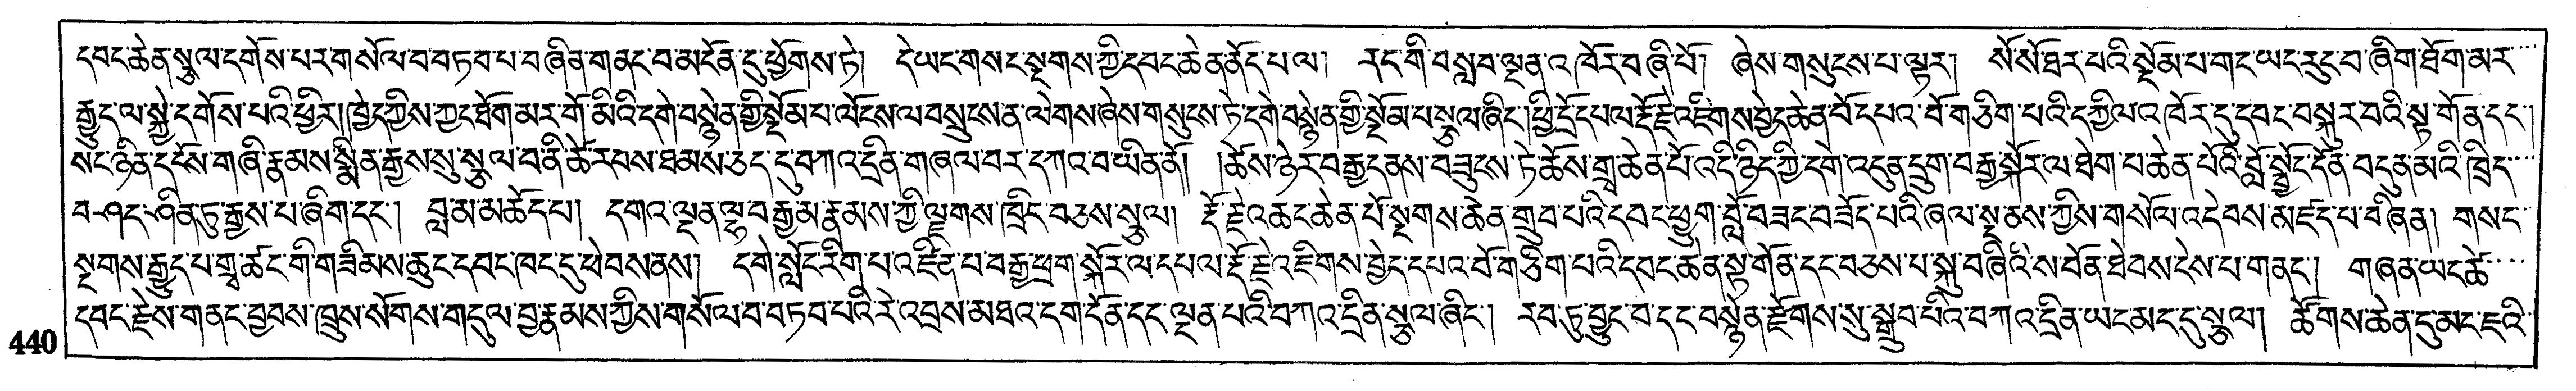དབང་ཆེན་སྩལ་དགོས་པར་གསོལ་བ་བཏབ་པ་བཞིན་གནང་བ་མངོན་དུ་ཕྱོགས་ཏེ། དེ་ཡང་གསང་སྔགས་ཀྱི་དབང་ཆེན་ནོད་པ་ལ། རང་གི་བསླབ་ལྡན་འཁོར་བཞི་པོ། ཞེས་གསུངས་པ་ལྟར། སོ་སོ་ཐར་པའི་སྔོམ་པ་གང་ཡང་རུང་བ་ཞིག་ཐོག་མར་
རྒྱུད་ལ་སྐྱེ་དགོས་པའི་ཕྱིར་།ཁྱེད་ཀྱིས་ཀྱང་ཐོག་མར་གོ་མིའི་དགེ་བསྙེན་གྱི་སྔོམ་པ་ལོངས་ལ་བསྲུངས་ན་ལེགས་ཞེས་གསུངས་ཏེ་དགེ་བསྙེན་གྱི་སྡོམ་པ་སྩལ་ཞིང་། ཕྱི་དྲོ་དཔལ་རྡོ་རྗེ་འཇིགས་བྱེད་ཆེན་པོ་དཔའ་བོ་གཅིག་པའི་དཀྱིལ་འཁོར་དུ་དབང་བསྐུར་བའི་སྟ་གོན་དང་།
སང་ཉིན་དངོས་གཞི་རྣམས་སྨིན་རྒྱས་སུ་སྩལ་བ་ནི་ཚེ་རབས་ཐམས་ཅད་དུ་བཀའ་དྲིན་གཞལ་བར་དཀའ་བ་ཡིན་ནོ། །ཚེས་ཉེར་བརྒྱད་ནས་བཟུངས་ཏེ་ཆོས་གྲྭ་ཆེན་པོ་འདི་ཉིད་ཀྱི་དགེ་འདུན་དྲུག་བརྒྱ་སྐོར་ལ་ཐེག་པ་ཆེན་པོའི་བློ་སྦྱོད་དོན་བདུན་མའི་ཁྲིད་
བཤད་ཤིན་ཏུ་རྒྱས་པ་ཞིག་དང་། བླ་མ་མཆོད་པ། དགའ་ལྡན་ལྷ་བརྒྱ་མ་རྣམས་ཀྱི་ལྗགས་ཁྲིད་བཅས་སྩལ། རྡོ་རྗེ་འཆང་ཆེན་པོ་སྔགས་ཆེན་གྲུབ་པའི་དབང་ཕྱུག་བློ་བཟང་བཟོད་པའི་ཞལ་སྔ་ནས་ཀྱིས་གསོལ་འདེབས་མཛད་པ་བཞིན། གསང་
སྔགས་རྒྱུད་པ་གྲྭ་ཚང་གི་གཟིམས་ཆུང་དབང་ཁང་དུ་ཕེབས་ནས། དགེ་སློང་རིག་པ་འཛིན་པ་བརྒྱ་ཕྲག་སྐོར་ལ་དཔལ་རྡོ་རྗེ་འཇིགས་བྱེད་དཔའ་བོ་གཅིག་པའི་དབང་ཆེན་སྟ་གོན་དང་བཅས་པ་སྐུ་བཞིའི་ས་བོན་ཐེབས་ངེས་པ་གནང་། གཞན་ཡང་ཚེ་
དབང་རྗེས་གནང་བྱབས་ཁྲུས་སོགས་གདུལ་བྱ་རྣམས་ཀྱིས་གསོལ་བ་བཏབ་བའི་རེ་འབྲས་མཐའ་དག་དོན་དང་ལྡན་པའི་བཀའ་དྲིན་སྩལ་ཞིང་། རབ་ཏུ་བྱུང་བ་དང་བསྙེན་རྫོགས་སུ་སྒྲུབ་པའི་བཀའ་དྲིན་ཡང་མང་དུ་སྩལ། ཚོགས་ཆེན་དུ་མང་ཇའི་